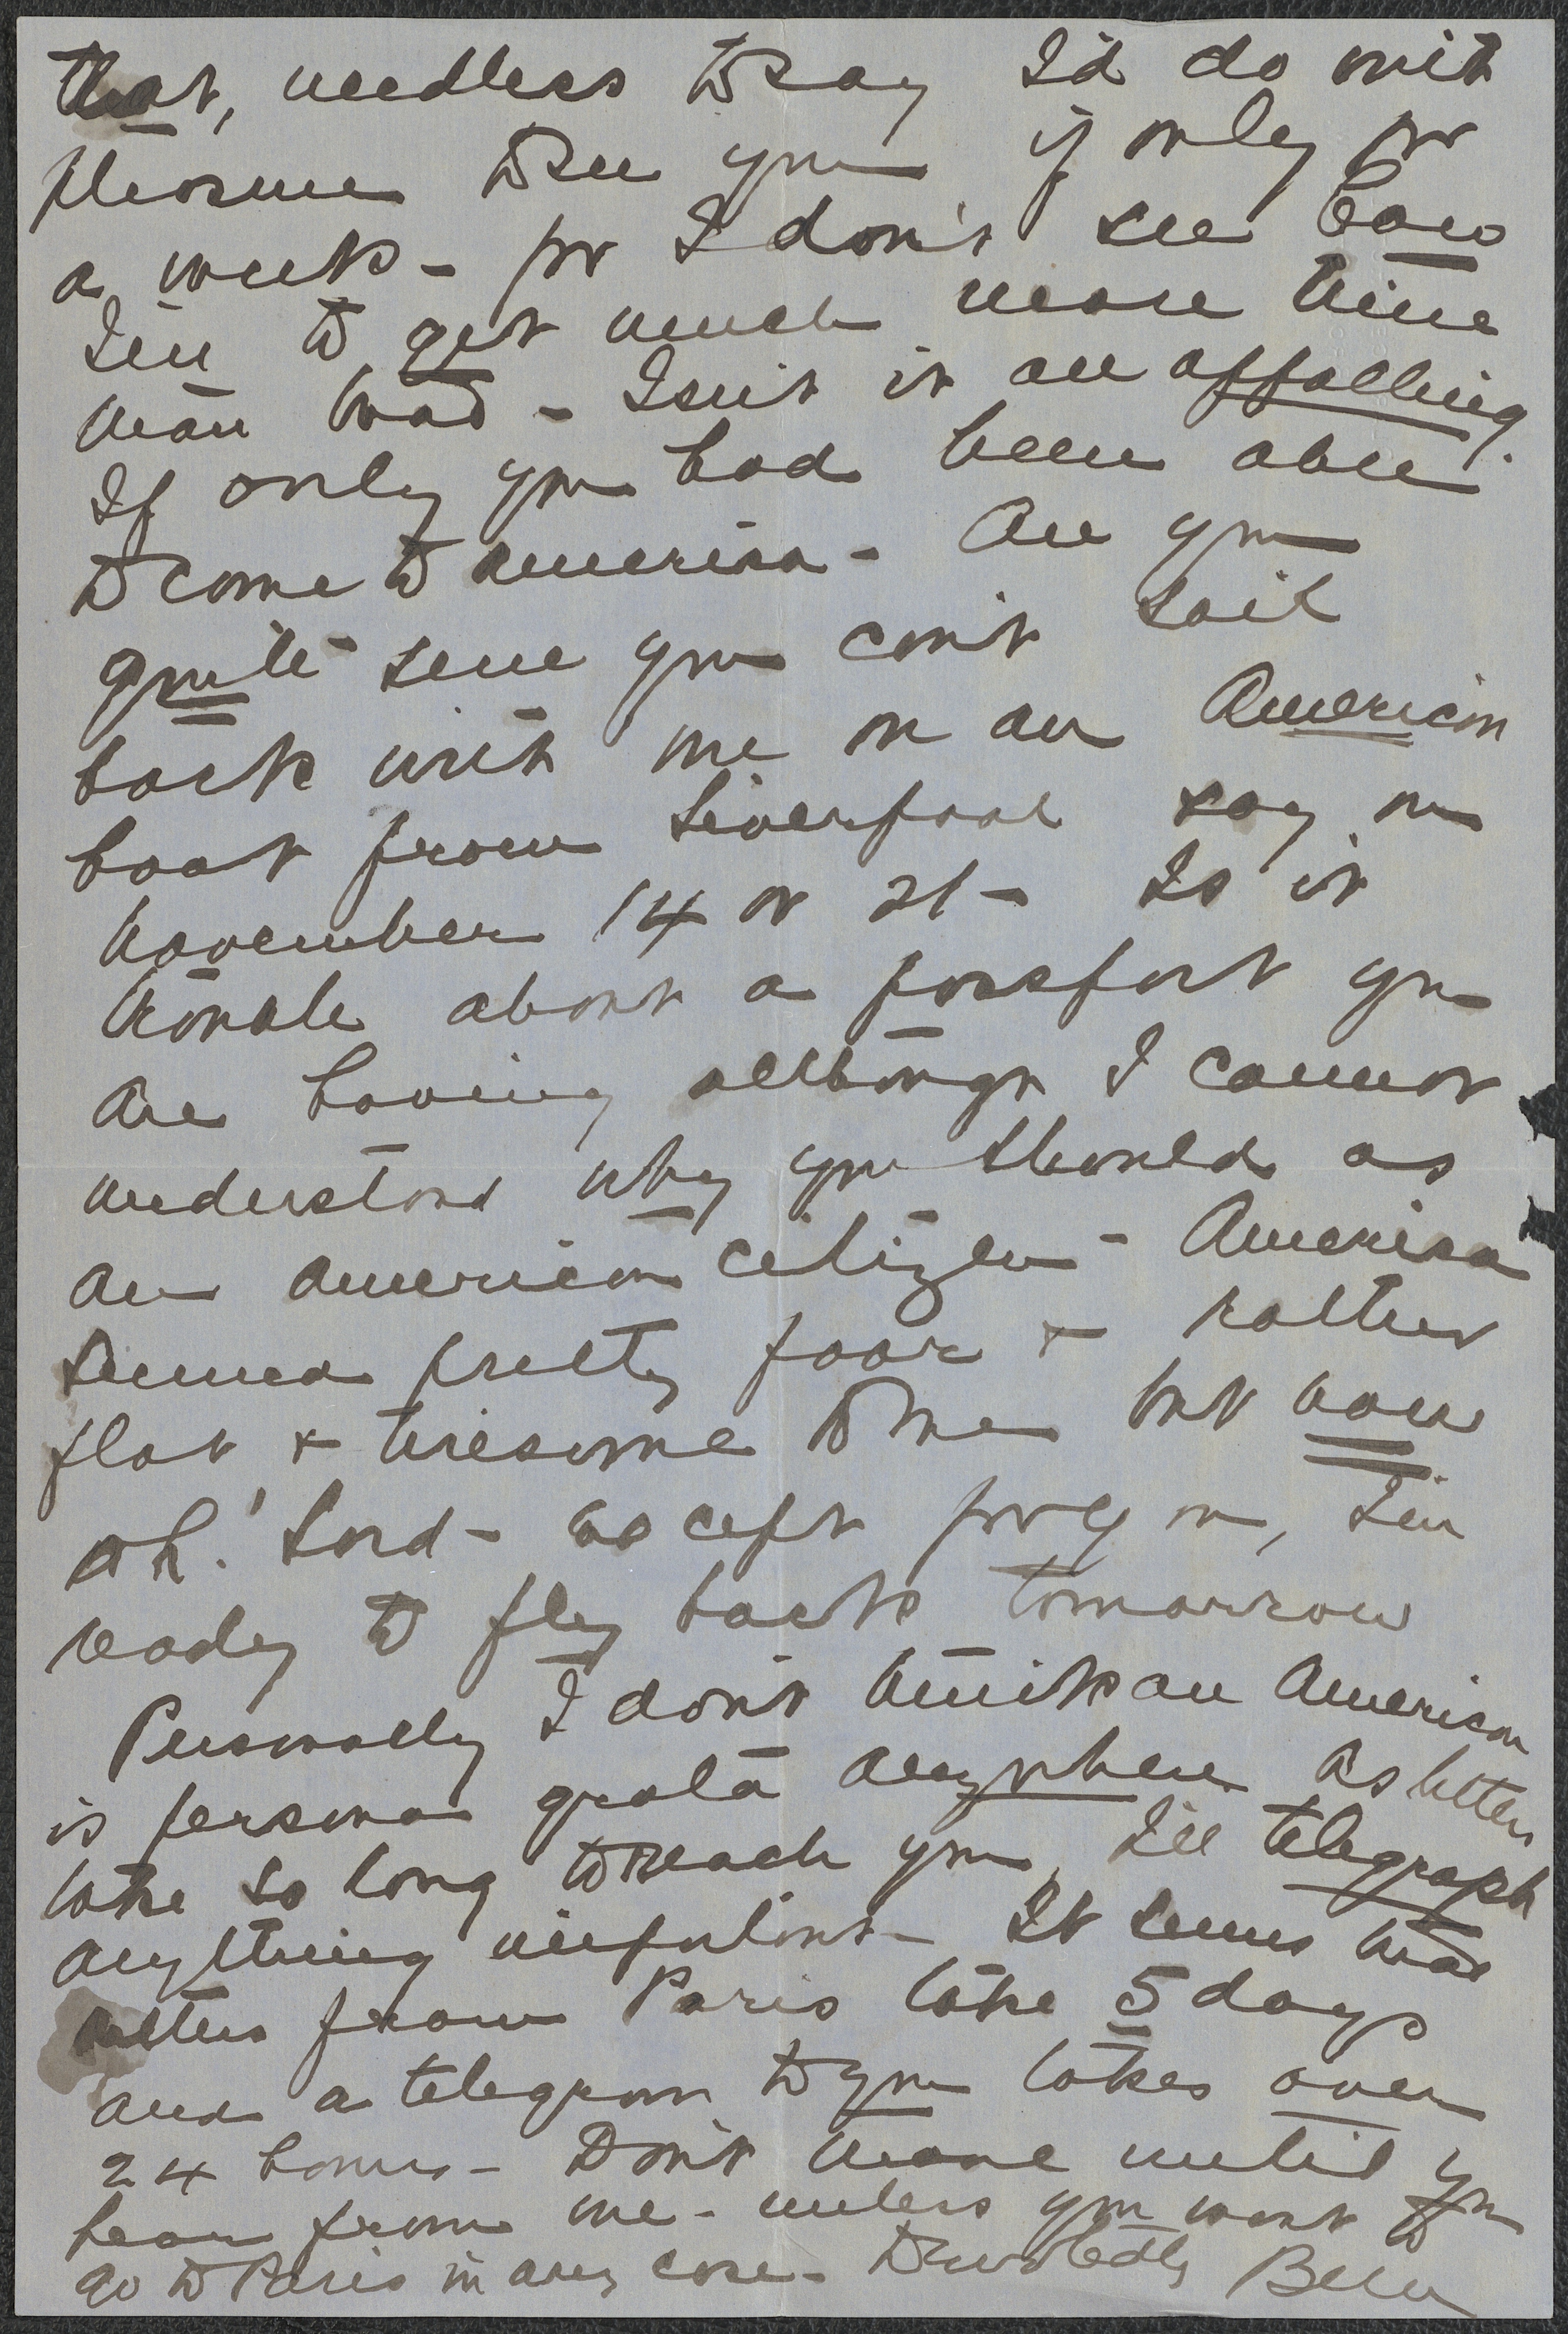that needless to say I’d do with pleasure to see you if only for a week – for I don’t see how I’m to get much more time than that – Isn’t it all appalling if only you had been able to come to America – Are you [double underlined: quite] sure you can’t sail back with me on an American boat from Liverpool say on November 14 or 21 – Is it trouble about a passport you are having although I cannot understand why you should as an American citizen – America seemed pretty poor & rather flat & tiresome to me but [double underlined: now] oh! Lord – except for you, I’m ready to fly back tomorrow
Personally I don’t think an American is persona grata anywhere as letters take so long to reach you. I’ll telegraph anything important – It seems that letters from Paris to be 5 days and a telegram to you takes over 24 hours. Don’t leave until you hear from me – unless you want to go to Paris in any case –
Devotedly
Belle